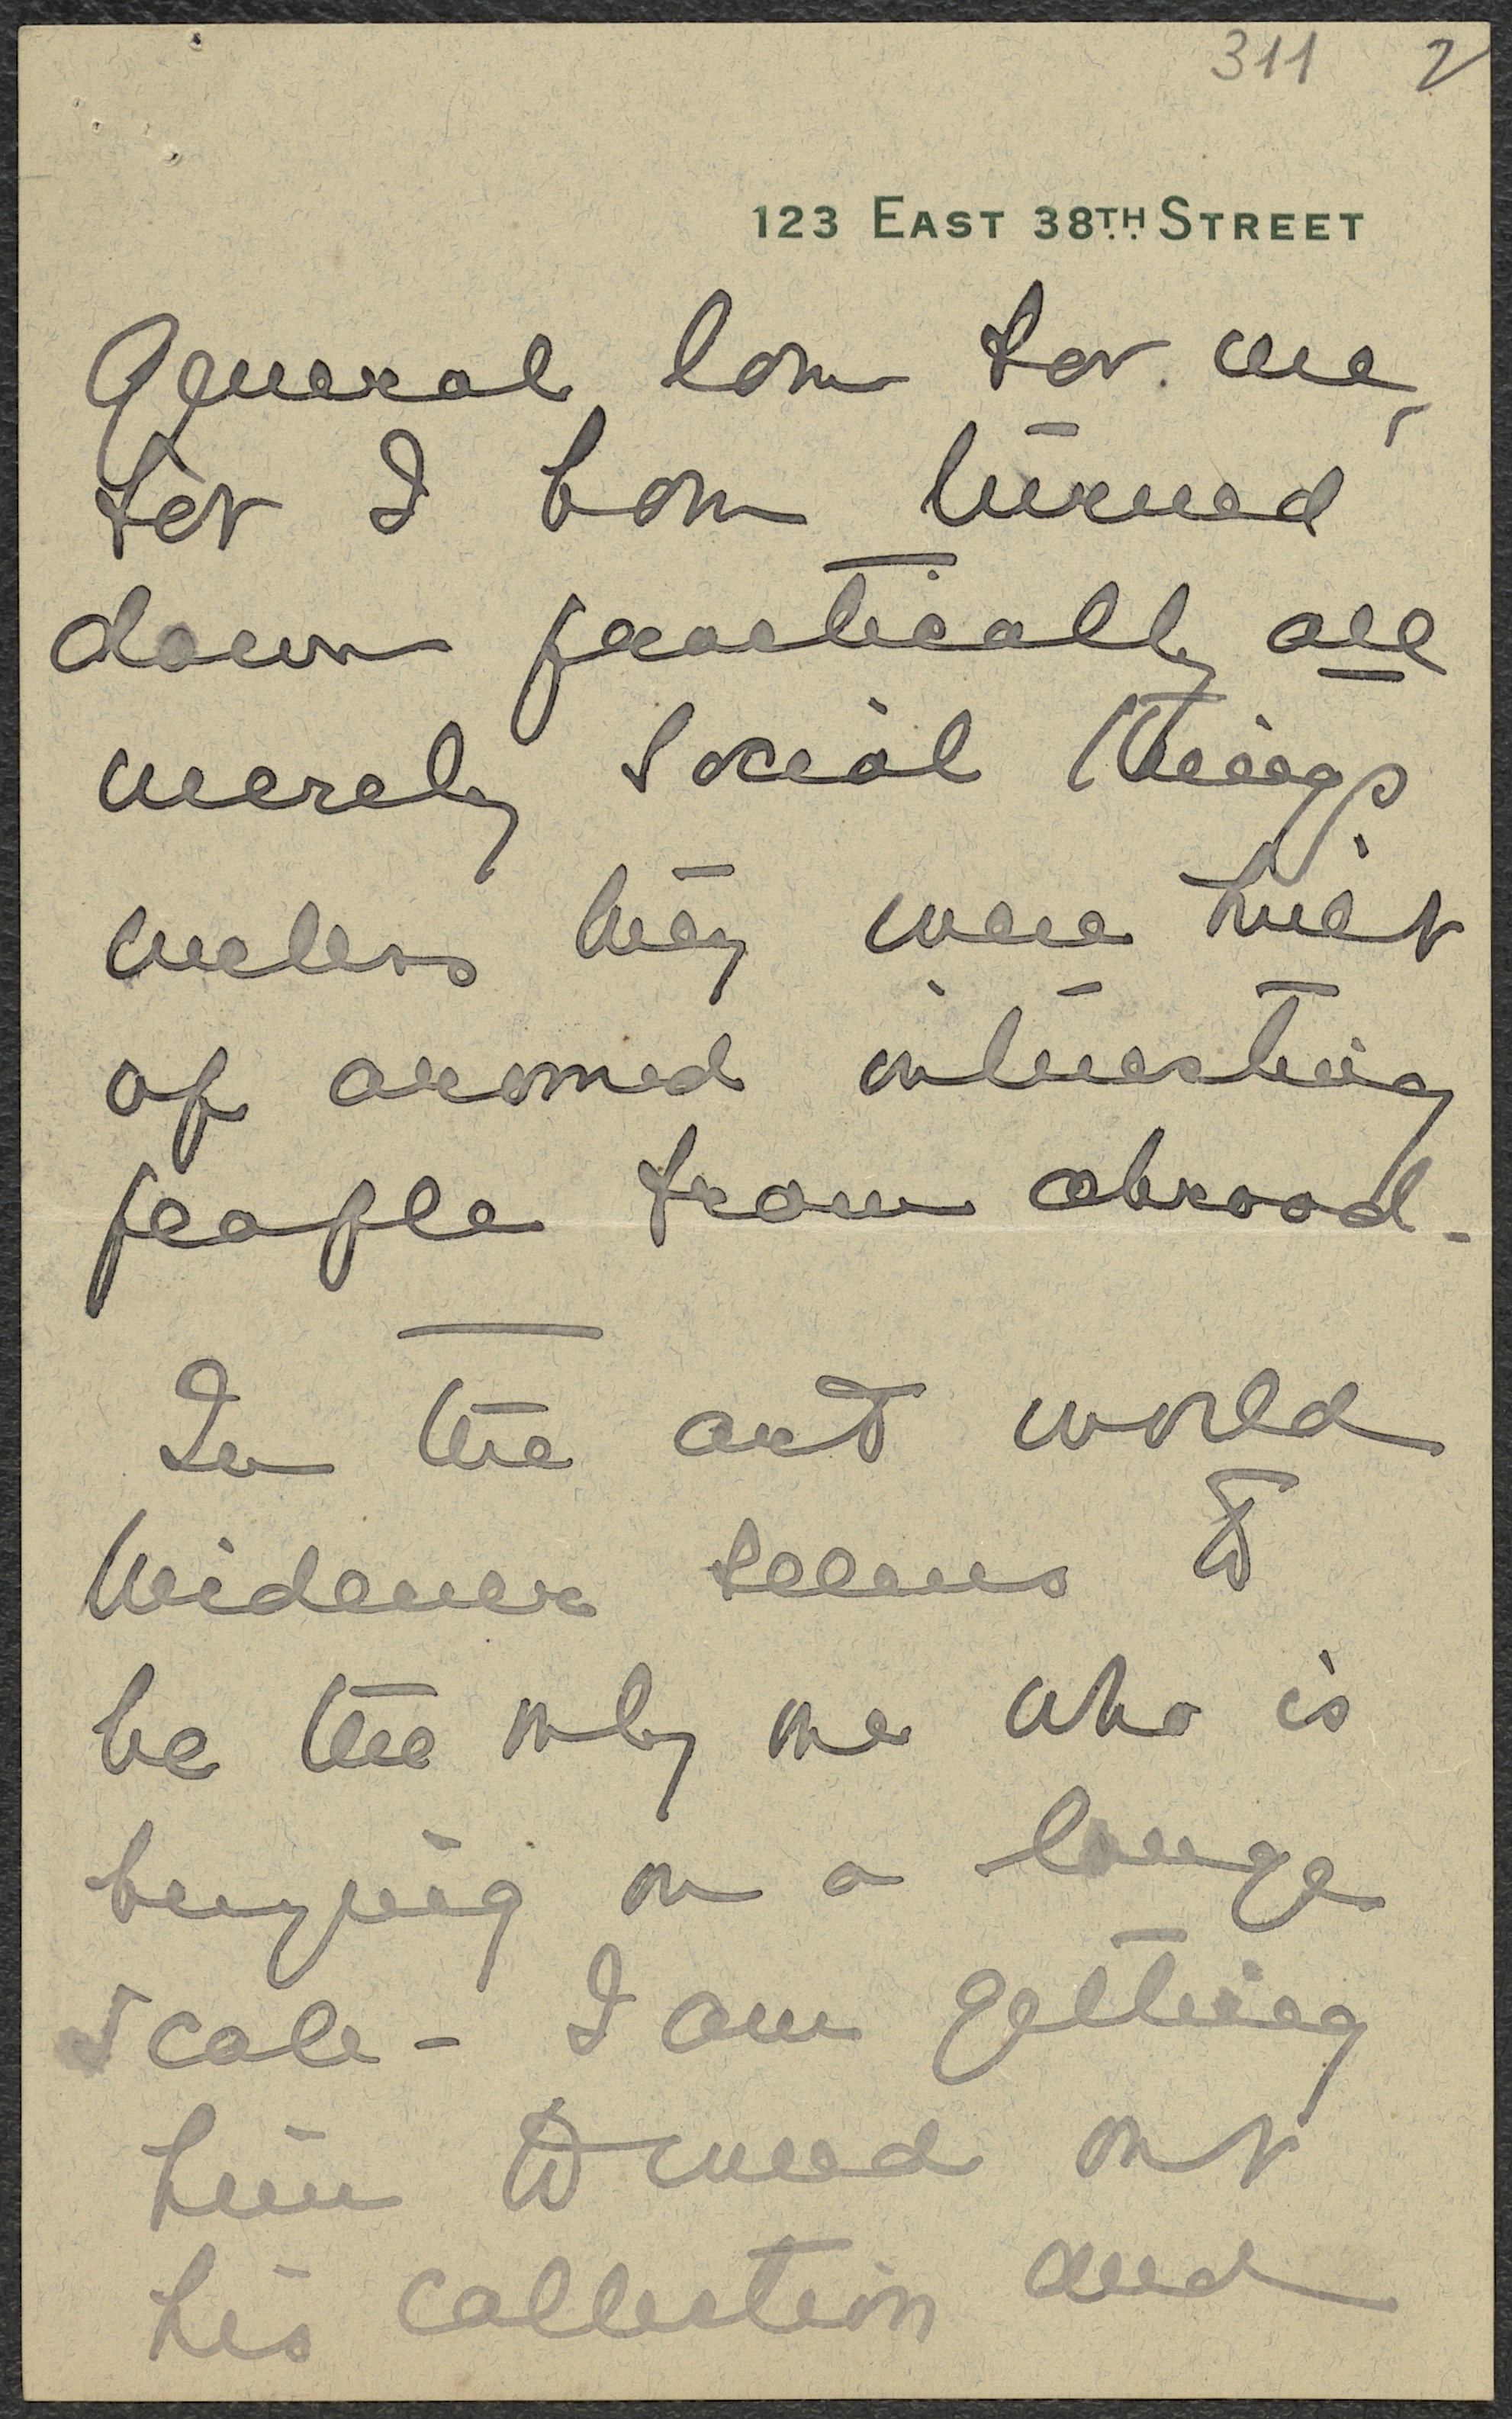general love for me for I have turned down practically all merely social things unless they were built up around interesting people from abroad.
In the art world Widener seems to be the only one who is buying on a large scale – I am getting him to weed out his collection and